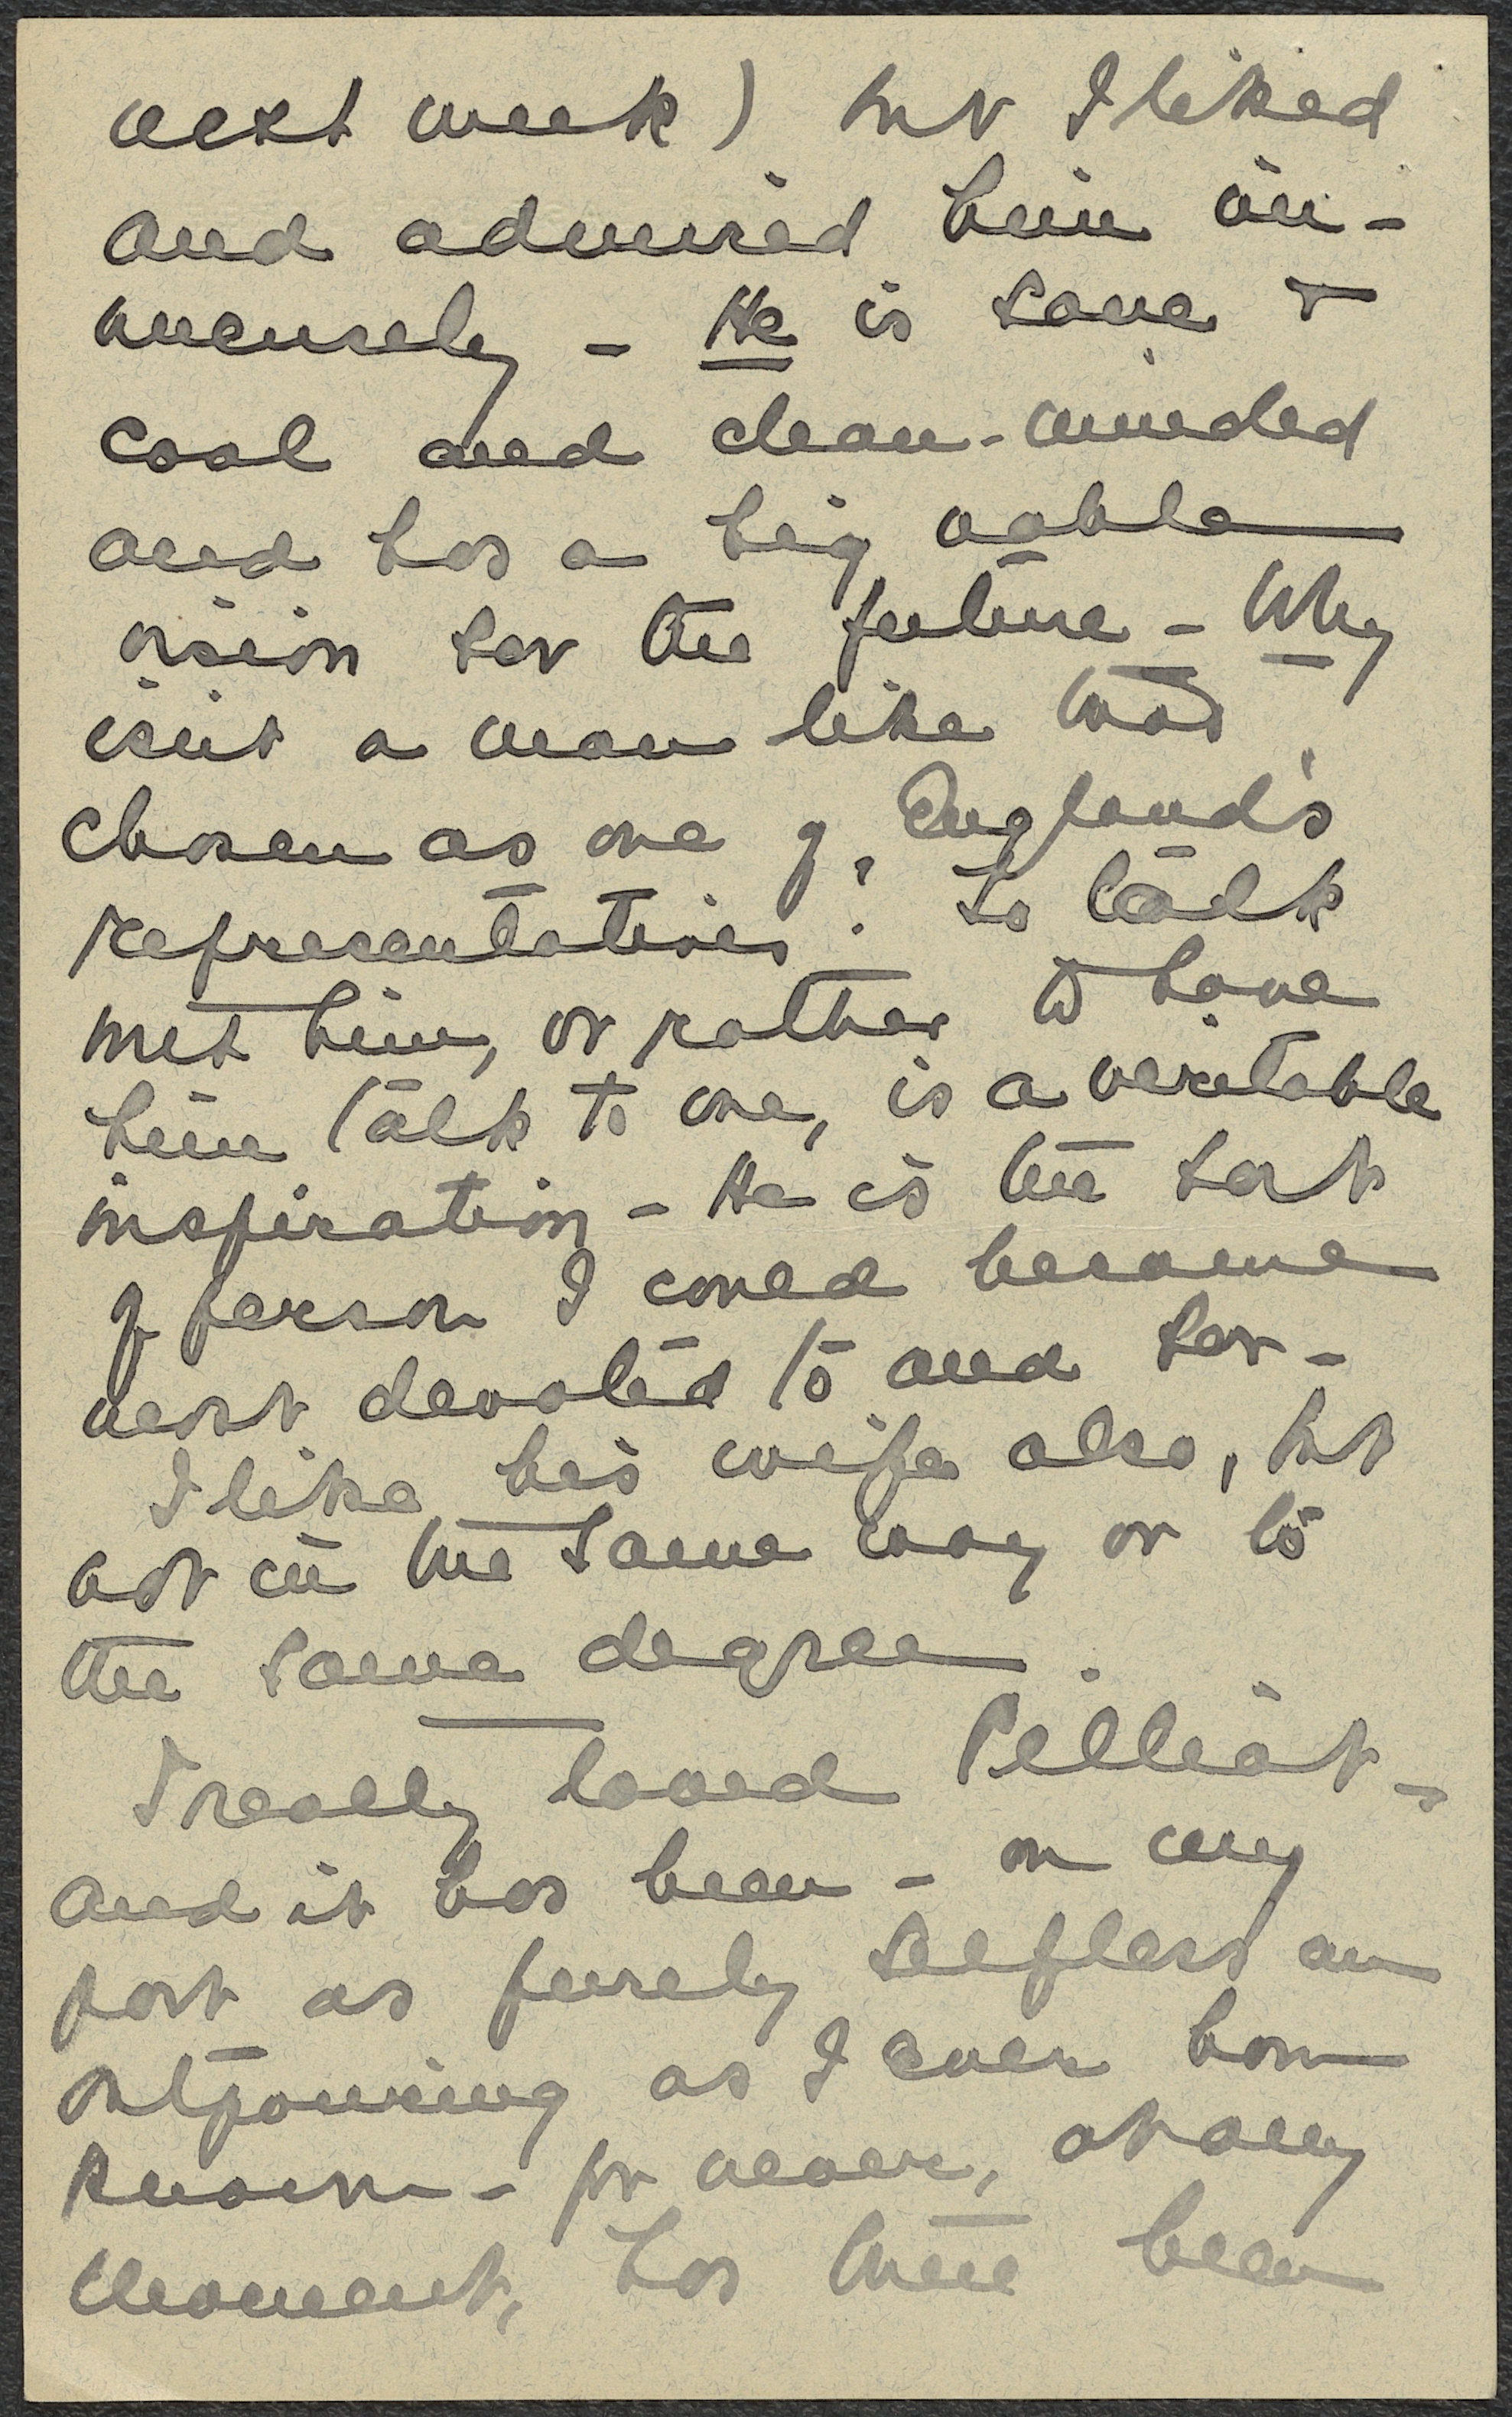next week) but I liked and admired him immensely – He is sane & cool and clean-minded and has a big noble vision for the future – Why isn’t a man like that chosen as one of England’s representatives? To talk with him, or rather to have him talk to me, is a veritable inspiration – He is the sort of person I could become most devoted to and for –
I like his wife also, but not in the same way or to the same degree.
I really loved Pilliot and it has been – on my part as purely selfless an outpouring as I ever have known – for never, at any moment, has there been